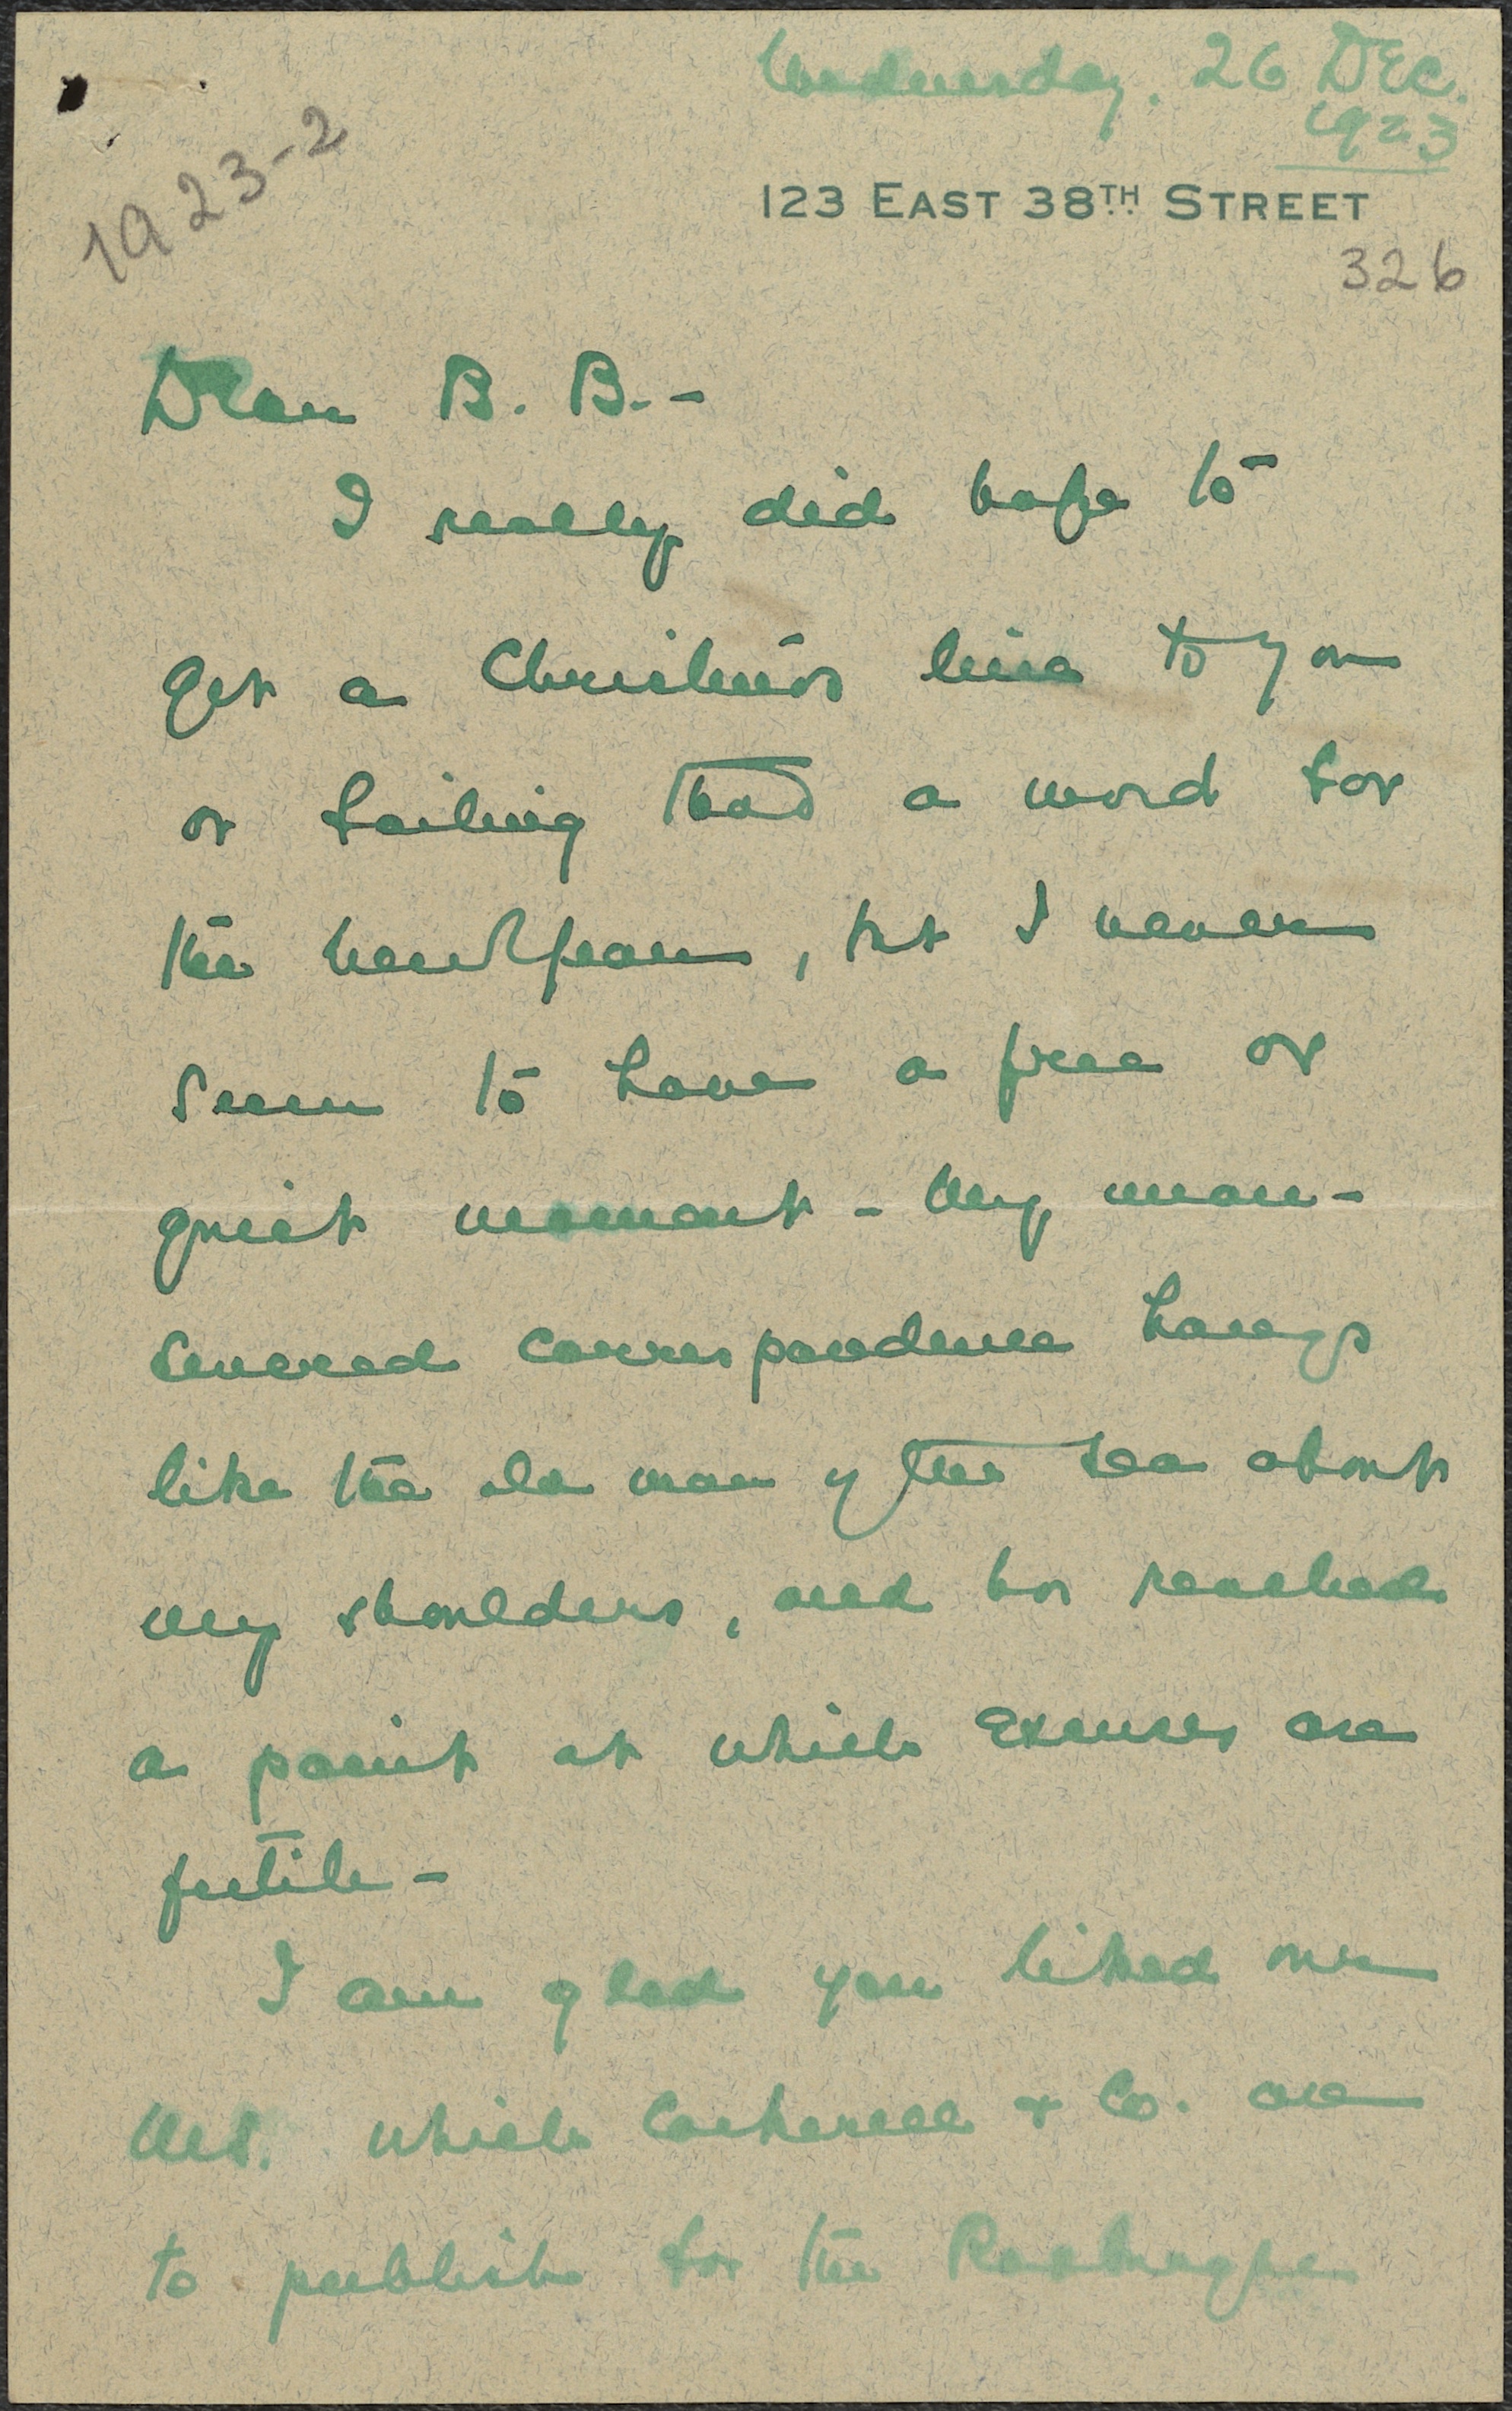Wednesday, 26 Dec.
1923
Dear B.B. –
I really did hope to get a Christmas line to you or failing that a word for the New Year, but I never seem to have a free or quiet moment – My unanswered correspondence hangs like the old man of the sea about my shoulders and has reached a point at which excuses are futile –
I am glad you liked our MS. which Cockerell & Co. are to publish for the Roxburghe